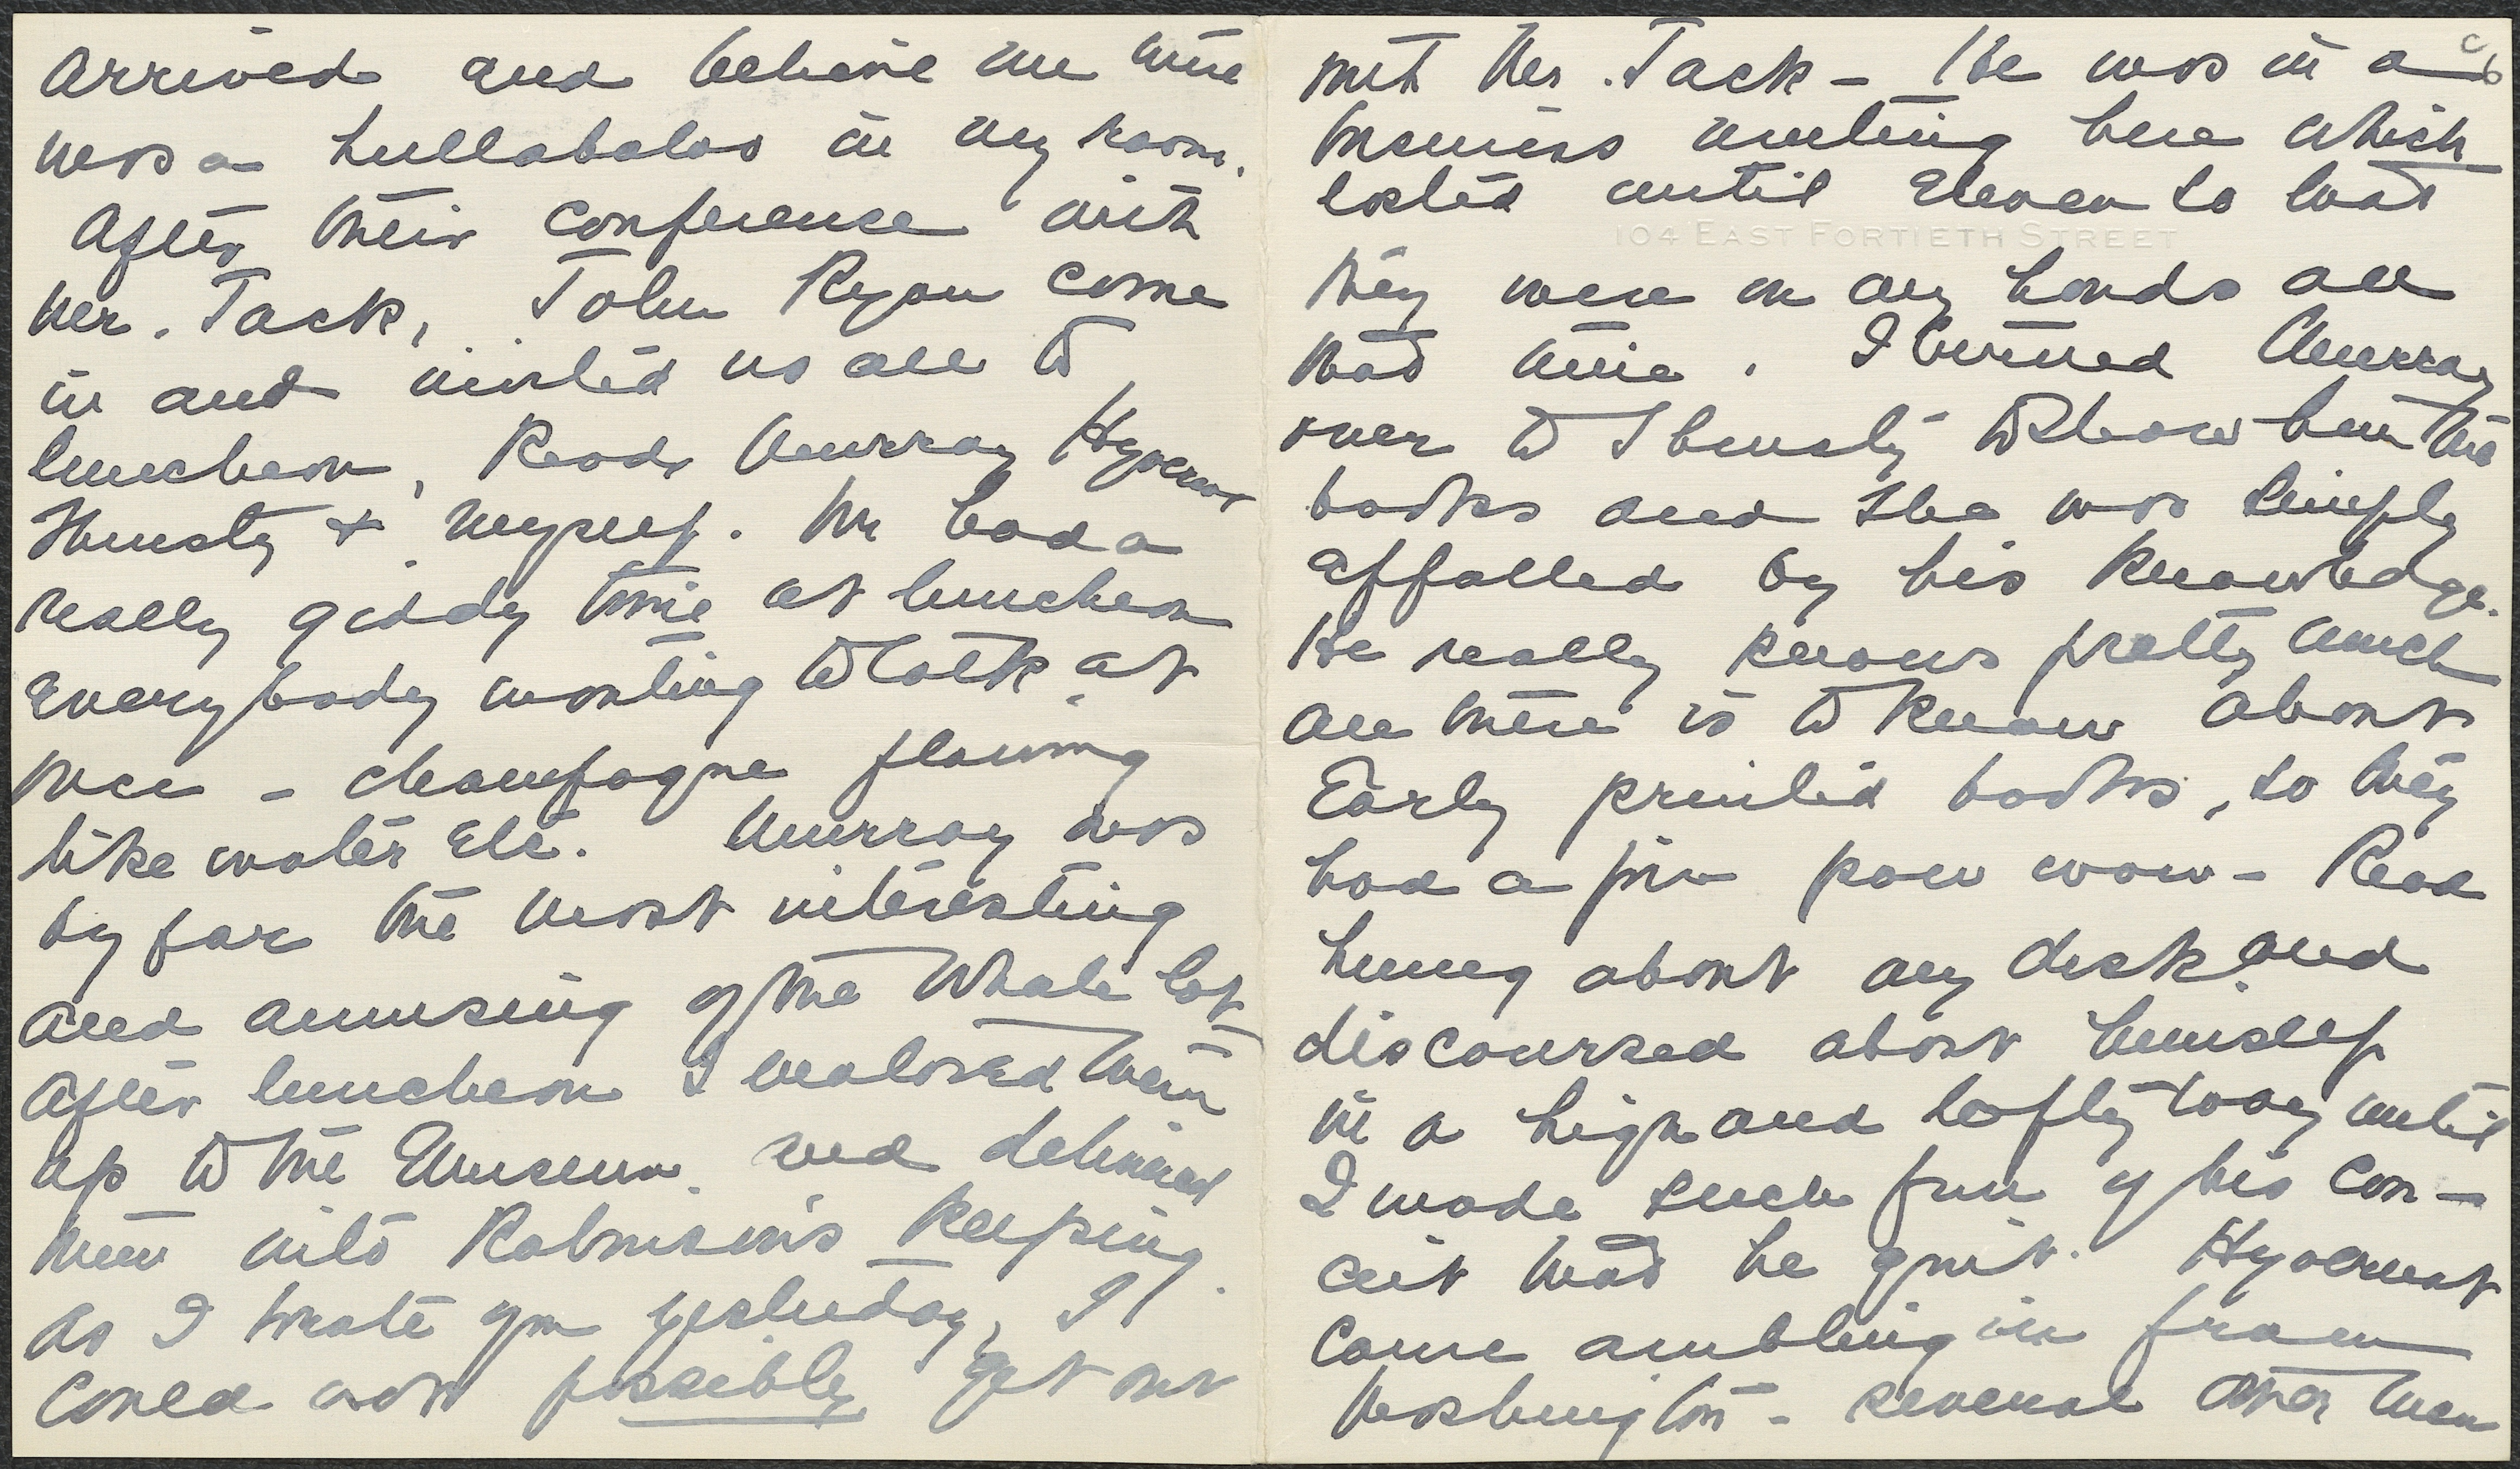with Mr. Jack – He was in a business meeting here which lasted until eleven so that they were on my hands all that time. I turned Murray over to Thursty to show her the books and she was simply appalled by his knowledge. He really knows pretty much all there is to know about early printed books, so they had a fine pow wow – Read hung about my desk and discoursed about himself in a high and lofty way until I made such fun of his conceit that he quit. Hyvernat came ambling in from Washington – several other men
arrived and believe me there was hullabaloo in my room.
After their conference with Mr. Jack, John Ryan came in and invited us all to luncheon, Read, Murray Hyvernat Thursty & myself. We had a really giddy time at luncheon everybody wanting to talk at once – champagne flowing like water etc. Murray was by far the most interesting and amusing of the whole lot – After luncheon I motored them up to the Museum and delivered them into Robinson's keeping. As I wrote you yesterday, I could not possibly get out